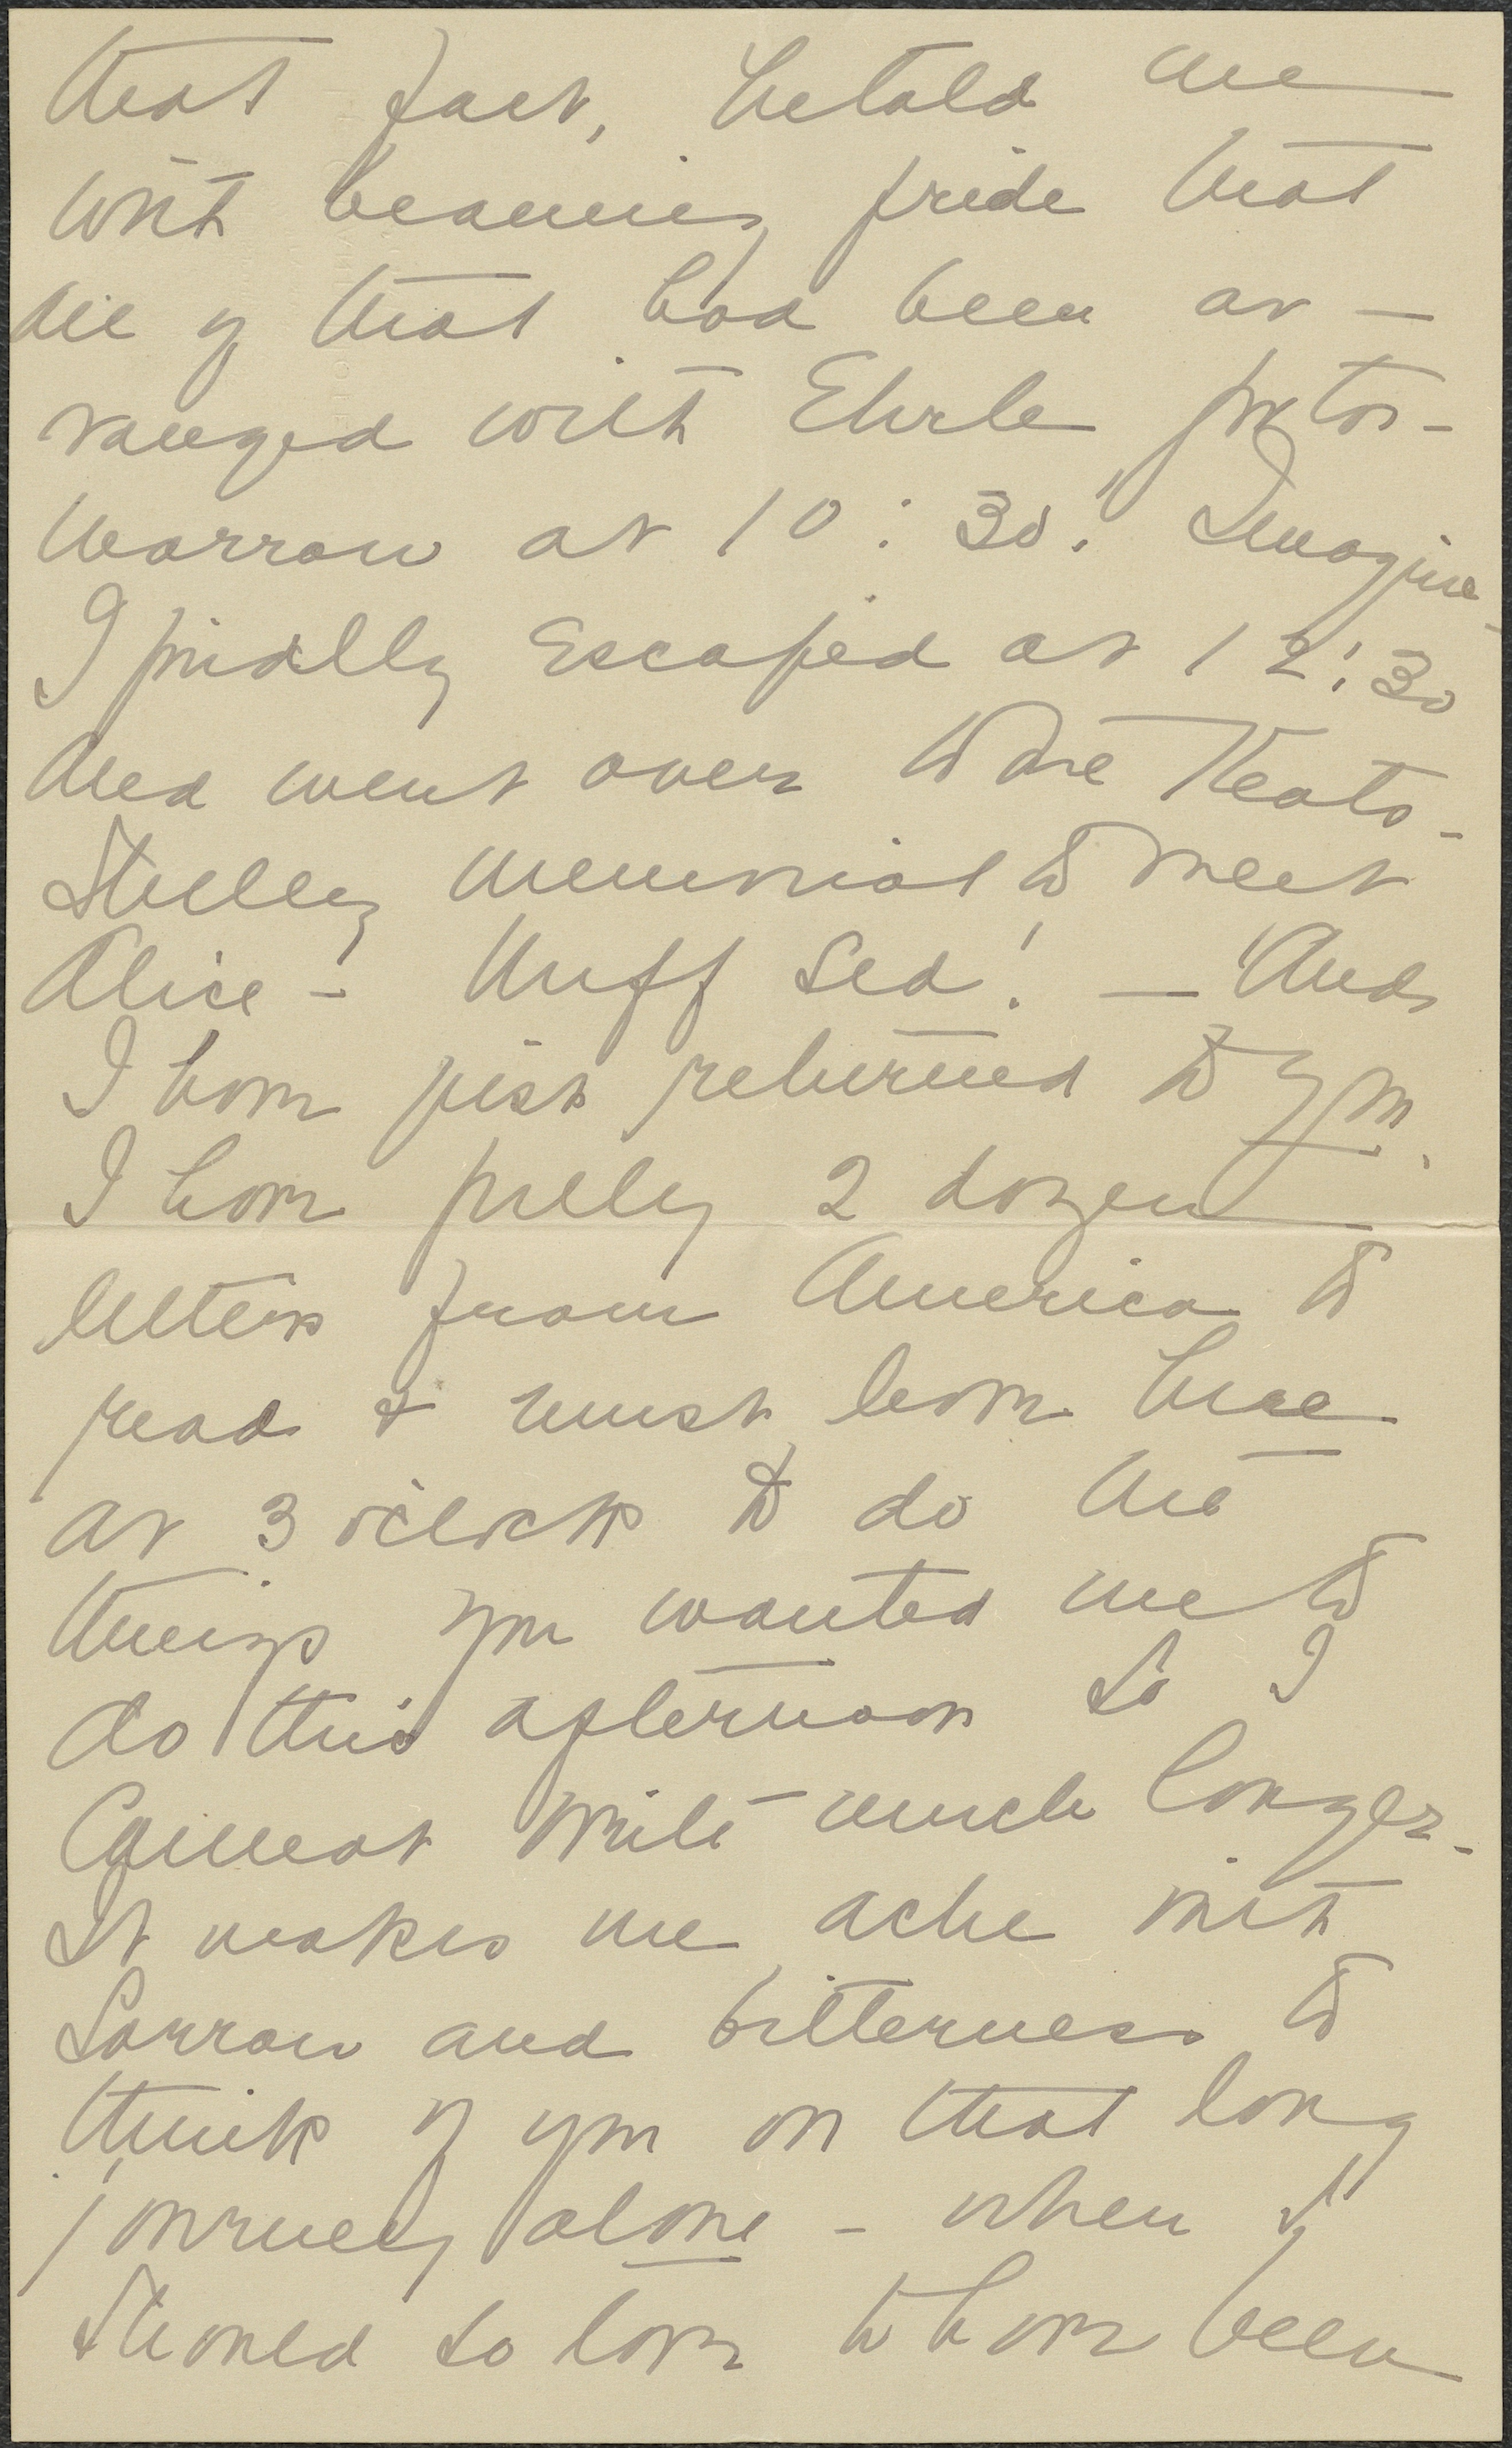that fact, he told me with beaming pride that all of that had been arranged with Ehrle for tomorrow at 10:30! Imagine – I finally escaped at 12:30 and went over to the Keats-Shelley memorial to meet Alice – Nuff sed! – And I have just returned to you. I have fully 2 dozen letters from America to read & must leave here at 3 o’clock to do the things you wanted me to do this afternoon so I cannot write much longer – It makes me ache with sorrow and bitterness to think of you on that long journey alone – when I should so love to have been